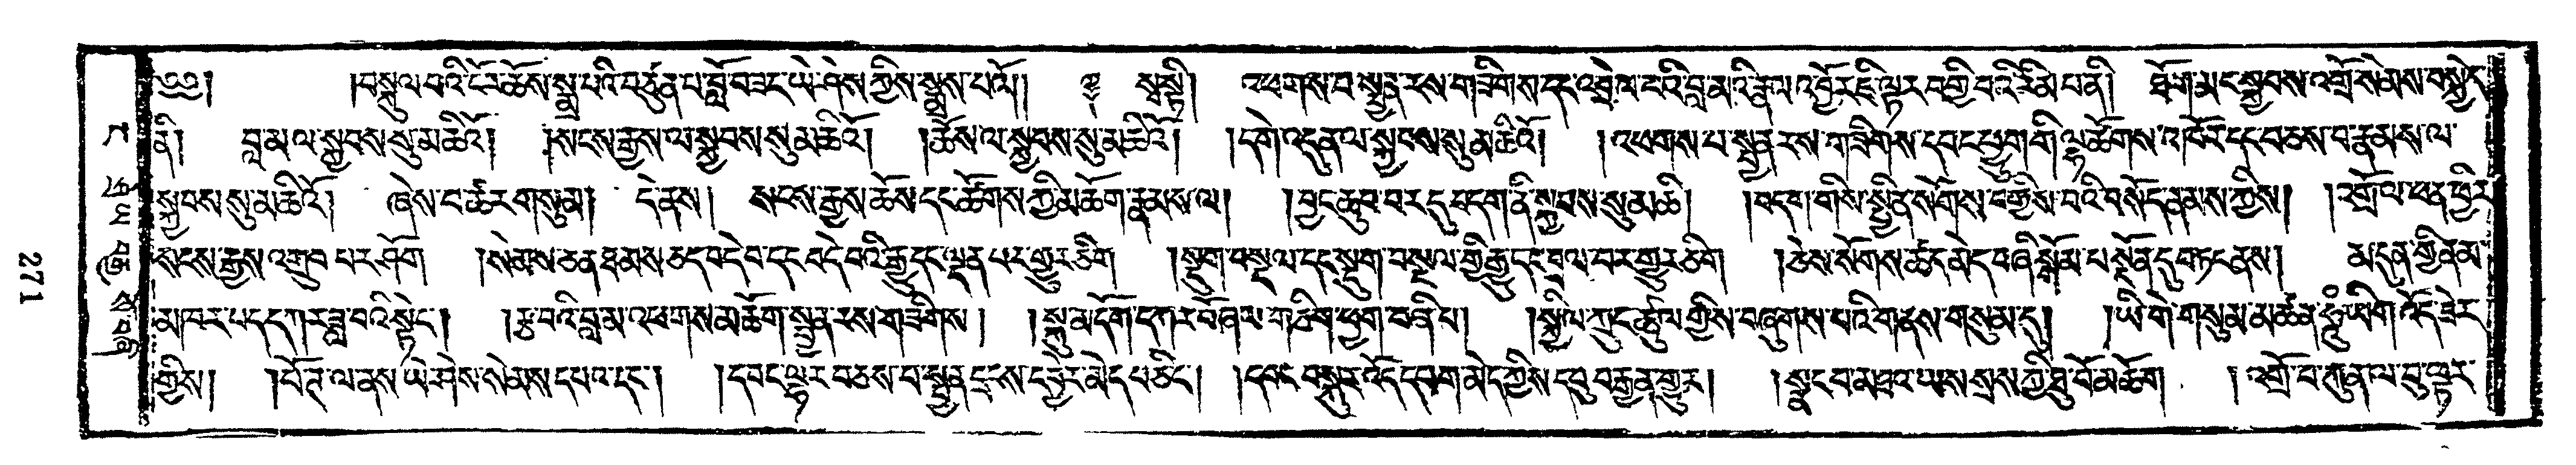༄༅། །བསྐུལ་བའི་ངོར་ཆོས་སྨྲ་པའི་བཙུན་པ་བློ་བཟང་ཡེ་ཤེས་ཀྱིས་སྨྲས་པའོ།། ༈ སྭསྟི། འཕགས་པ་སྤྱན་རས་གཟིགས་དང་འབྲེལ་བའི་བླ་མའི་རྣལ་འབྱོར་ཇི་ལྟར་བགྱི་བའི་རིམ་པ་ནི། ཐོག་མང་སྐྱབས་འགྲོ་སེམས་བསྐྱེད་
ནི། བླ་མ་ལ་སྐྱབས་སུ་མཆིའོ། །སངས་རྒྱས་ལ་སྐྱབས་སུ་མཆིའོ། །ཆོས་ལ་སྐྱབས་སུ་མཆིའོ། །དགེ་འདུན་ལ་སྐྱབས་སུ་མཆིའོ། །འཕགས་པ་སྤྱན་རས་གཟིགས་དབང་ཕྱུག་གི་ལྷ་ཚོགས་འཁོར་དང་བཅས་པ་རྣམས་ལ་
སྐྱབས་སུ་མཆིའོ། ཞེས་བ་ཚར་གསུམ། དེ་ནས། སངས་རྒྱས་ཆོས་དང་ཚོགས་ཀྱི་མཆོག་རྣམས་ལ། །བྱང་ཆུབ་བར་དུ་བདག་ནི་སྐྱབས་སུ་མཆི། །བདག་གིས་སྤྱིན་སོགས་བགྱིས་པའི་བསོད་ནམས་ཀྱིས། །འགྲོ་ལ་ཕན་ཕྱིར་
སངས་རྒྱས་འགྲུབ་པར་ཤོག །སེམས་ཅན་ཐམས་ཅད་བདེ་བ་དང་བདེ་བའི་རྒྱུ་དང་ལྡན་པར་གྱུར་ཅིག །སྡུག་བསྔལ་དང་སྡུག་བསྔལ་གྱི་རྒྱུ་དང་བྲལ་བར་གྱུར་ཅིག །ཅེས་སོགས་ཚད་མེད་བཞི་སྒོམ་པ་སྔོན་དུ་བཏང་ནས། མདུན་གྱི་ནམ་
མཁར་པད་དཀར་ཟླ་བའི་སྟེང་། །རྩ་བའི་བླ་མ་འཕགས་མཆོག་སྤྱན་རས་གཟིགས། །སྐུ་མདོག་དཀར་པོ་ཞལ་གཅིག་ཕྱག་བཞི་པ། །སྐྱིལ་ཀྲུང་ཚུལ་གྱིས་བཞུགས་པའི་གནས་གསུམ་དུ། །ཡི་གེ་གསུམ་མཚན་ཧཱུཾ་ཡིག་འོད་ཟེར་
གྱིས། །པོ་ཊ་ལ་ནས་ཡེ་ཤེས་སེམས་དཔའ་དང་། །དབང་ལྷར་བཅས་པ་སྤྱན་དྲངས་དབྱེར་མེད་བཅིང་། །དབང་བསྐུར་འོད་དབག་མེད་ཀྱིས་དབུ་བརྒྱན་གྱུར། །སྣང་བ་མཐའ་ཡས་སྲས་ཀྱི་ཐུ་བོ་མཆོག །འགྲོ་བ་ཀུན་ལ་བུ་ལྟར་